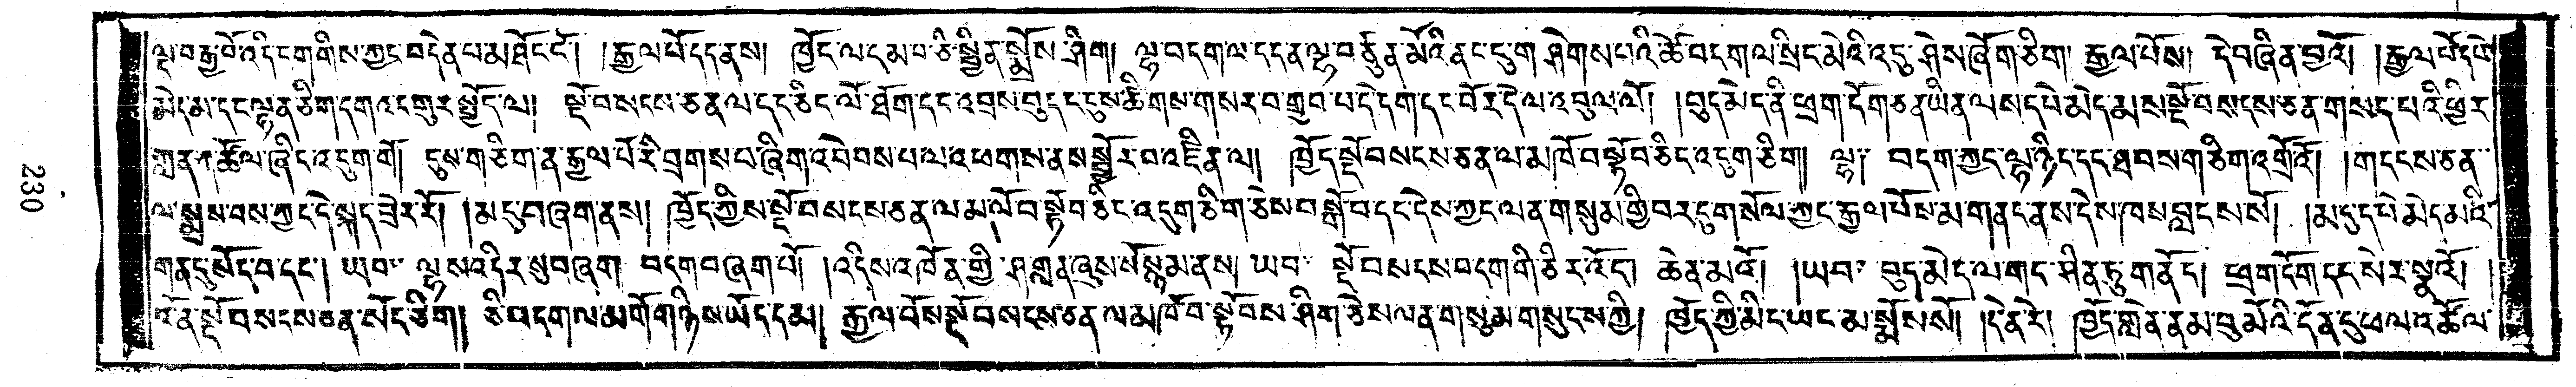ལྔ་བརྒྱ་པོ་འདི་དག་གིས་ཀྱང་བདེན་པ་མཐོང་ངོ། །རྒྱལ་པོ་དད་ནས། ཁྱོད་ལ་དམ་པ་ཅི་སྦྱིན་སྨྲོས་ཤིག། ལྷ་བདག་ལ་དད་ན་ལྷ་བཙུན་མོའི་ནང་དུ་གཤེགས་པའི་ཚེ་བདག་ལ་སྲིང་མེའི་འདུ་ཤེས་ཞོག་ཅིག། རྒྱལ་པོས། དེ་བཞིན་བྱའོ། །རྒྱལ་པོ་དགེ་
མེད་མ་དང་ལྷན་ཅིག་དགའ་དགུར་སྤྱོད་ལ། སྔོ་བསངས་ཅན་ལ་དང་ཅིང་ལོ་ཐོག་དང་འབྲས་བུ་དང་དུས་ཚིགས་གསར་པ་གྲུབ་པ་དེ་དག་དང་པོར་དེ་ལ་འབུལ་ལོ། །བུད་མེད་ནི་ཕྲག་དོག་ཅན་ཡིན་ལས་དཔེ་མེད་མས་སྔོ་བསངས་ཅན་གསད་པའི་ཕྱིར་
ཀླན་ཀ་ཚོལ་ཞིང་འདུག་གོ། དུས་གཅིག་ན་རྒྱལ་པོ་རི་བྲགས་པ་ཞིག་འབེབས་པ་ལ་འཕགས་ནས་སྦྱོར་བ་འཛིན་ལ། ཁྱོད་སྔོ་བསངས་ཅན་ལ་མཁོ་བ་སྟོབ་ཅིང་འདུག་ཅིག། ལྷ༑ བདག་ཀྱང་ལྷ་ཉིད་དང་ཐབས་གཅིག་འགྲོའོ། །གདངས་ཅན་
ལ་སྨྲས་པས་ཀྱང་དེ་སྐད་ཟེར་རོ། །མདུ་བཞག་ནས། ཁྱོད་ཀྱིས་སྔོ་བསངས་ཅན་ལ་མ་ལོ་བསྟོབ་ཅིང་འདུག་ཅིག་ཅེས་བསྒོ་བ་དང་དེས་ཀྱང་ལན་གསུམ་གྱི་བར་དུ་གསོལ་ཀྱང་རྒྱལ་པོས་མ་གནང་ནས་དེས་ཁས་བླངས་སོ། །མདུ་དཔེ་མེད་མའི་
གན་དུ་སོང་བ་དང་། ཡབ་ལྷས་འདིར་སུ་བཞག་བདག་བཞག་པོ། །འདིས་འཁོན་གྱི་ཤ་གླན་ཞུས་སོ་སྙམ་ནས། ཡབ་སྔོ་བསངས་བདག་གི་ཅིར་འོང་། ཆེན་མའོ། །ཡབ་བུད་མེད་ལ་གང་ཤིན་ཏུ་གནོད། ཕྲག་དོག་དང་སེར་སྣའོ། །
འོ་ན་སྔོ་བསངས་ཅན་སོང་ཅིག། ཅི་བདག་ལ་མགོ་གཉིས་ཡོད་དམ། རྒྱལ་པོས་སྔོ་བསངས་ཅན་ལ་མཁོ་བ་སྟོབས་ཤིག་ཅེས་ལན་གསུམ་གསུངས་ཀྱི། ཁྱོད་ཀྱི་མིང་ཡང་མ་སྨོས་སོ། །དེ་ན་རེ། ཁྱོད་གླེན་ནམ་བུ་མོའི་དོན་དུ་ཕལ་འཚོལ་